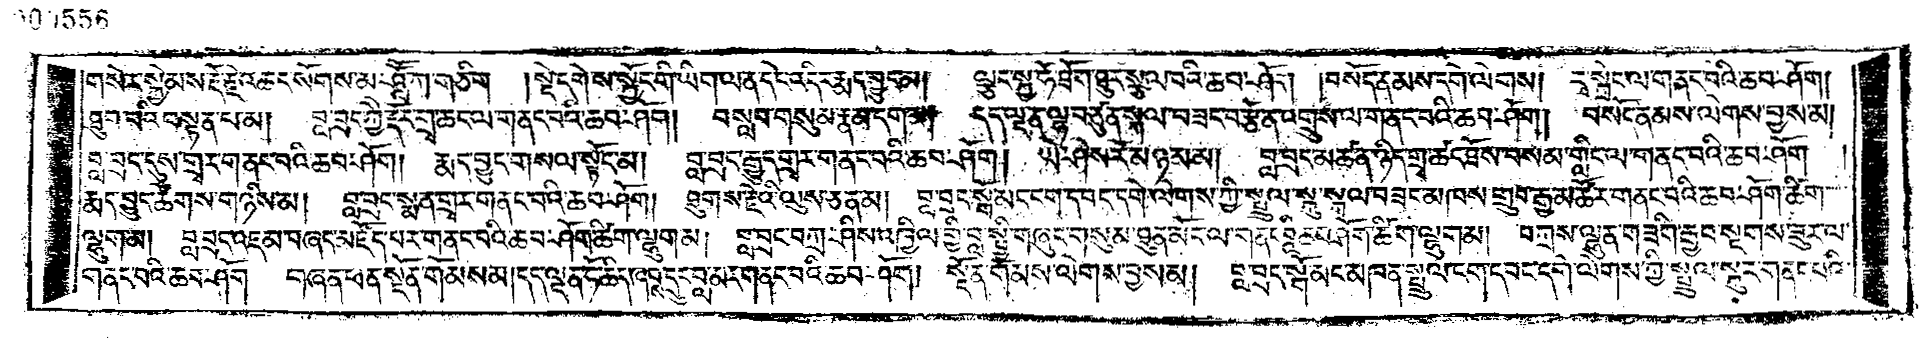གསེར་སྐྱེམས་རྡོ་རྗེ་འཆང་སོགས་མ་ཤླཽ་ཀ་གཅིག །སྡེ་དགེ་ས་སྐྱོང་གི་ཡིག་ལན་དེང་འདིར་རྨད་བྱུང་མ། ལྕང་སྐྱ་ཧོ་ཐོག་ཐུར་སྩལ་བའི་ཆབ་ཤོང་། །བསོད་ནམས་དགེ་ལེགས། རྭ་སྐྲེང་ལ་གནང་བའི་ཆབ་ཤོག།
ཐུབ་བའི་བསྟན་པ་མ། བླ་བྲད་ཀྱཻ་རྡོར་གྲྭ་ཆང་ལ་གནང་བའི་ཆབ་ཤོག། བསླབ་གསུམ་རྣམ་དག་མ། དད་ལྡན་ལྷ་བཙུན་སྐལ་བཟང་བརྩོན་འགྲུས་ལ་གནང་བའི་ཆ་ཤོག། བསོད་ནམས་ལེགས་བྱས་མ།
བླ་བྲང་དུས་གྲྭར་གནང་བའི་ཆབ་ཤོག། རྨད་བྱུང་གསལ་སྟོང་མ། བླ་བྲང་རྒྱུད་གྲྭར་གནང་བའི་ཆབ་ཤོག། ཡེ་ཤེས་རོ་མཉམ་མ། བླ་བྲང་མཚན་ཉིད་གྲྭ་ཚང་ཐོས་བསམ་གླིང་ལ་གནང་བའི་ཆབ་ཤོག །
རྨད་བྱུང་ཚོགས་གཉིས་མ། བླ་བྲང་སྨན་གྲྭར་གནང་བའི་ཆབ་ཤོག། ཐུགས་རྗེའི་ལུས་ཅན་མ། བླ་བྲང་སྒོ་མང་ངག་དབང་དགེ་ལེགས་ཀྱི་སྤྲུལ་སྐུ་སྐལ་བཟང་མཁས་གྲུབ་རྒྱ་མཚོར་གནང་བའི་ཆབ་ཤོག་ཚིག་
ལྷུག་མ། བླ་བྲང་འཇམ་བཞད་མཛོད་པར་གནང་བའི་ཆབ་ཤོག་ཚིག་ལྷུག་མ། བླ་བྲང་བཀྲ་ཤིས་འཁྱིལ་གྱི་བླ་སྤྱི་གཞུང་གསུམ་ཐུན་མོང་ལ་གནང་བཱི་ཆབ་ཤོག་ཚིག་ལྷུག་མ། བཀྲས་ལྷུན་གཟིག་རྒྱབ་སྔགས་ཟུར་ལ་
གནང་བའི་ཆབ་ཤོག་གཞན་ཕན་སྔོན་གོམས་མ། དད་ལྡན་ཧོ་ཆིད་ཞབས་དྲུང་བླ་མར་གནང་བའི་ཆབ་ཤོག། སྔོན་གོམས་ལེགས་བྱས་མ། བླ་བྲང་སྒོ་མང་མཁན་སྤྲུལ་ངག་དབང་དགེ་ལེགས་ཀྱི་སྤྲུལ་སྐུར་གནང་བའི་